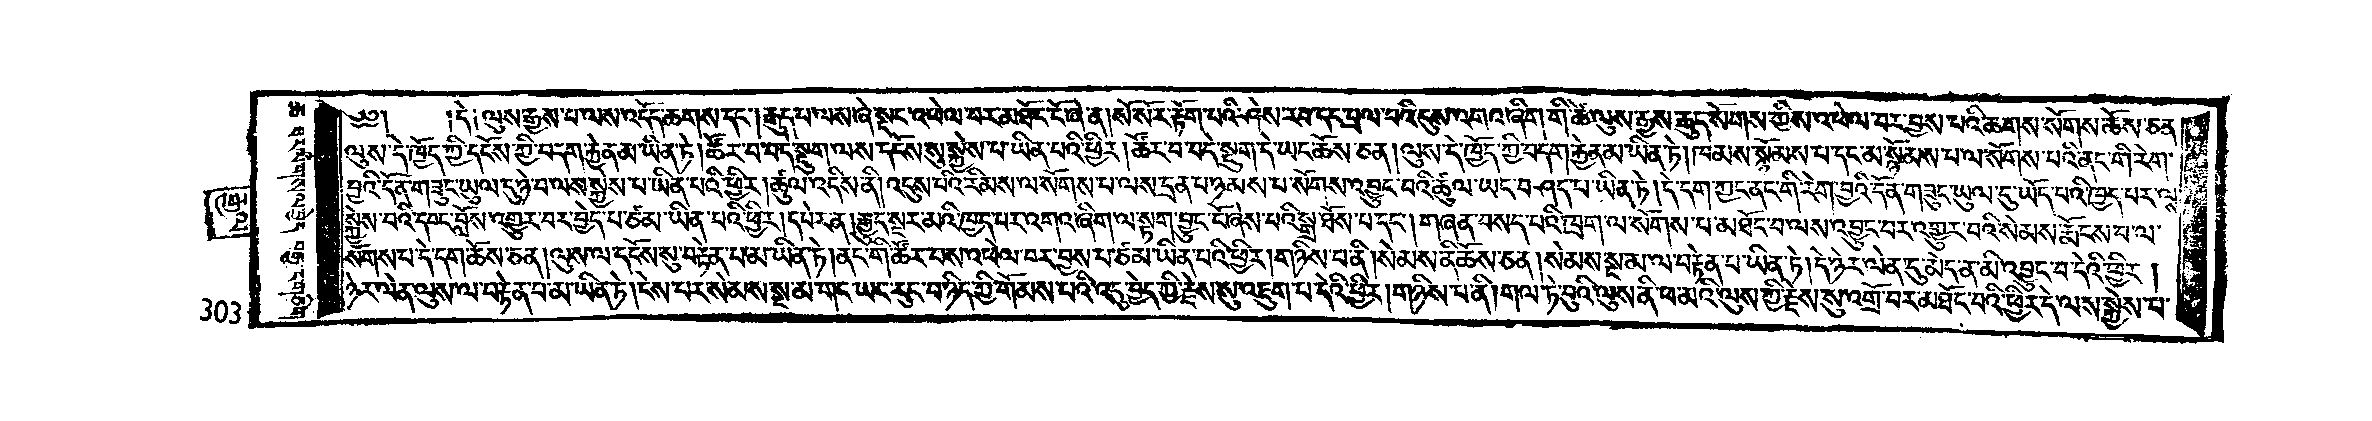༄༅། །དེ། ལུས་རྒྱས་པ་ལས་འདོད་ཆགས་དང་། རྒུད་པ་ལས་ཞེ་སྡང་འཕེལ་བར་མཐོང་ངོ་ཞེ་ན། སོ་སོར་རྟོག་པའི་ཤེས་རབ་དང་བྲལ་པའི་དུས་འགའ་ཞིག་གི་ཚེ་ལུས་རྒྱས་རྒུད་སོགས་ཀྱིས་འཕེལ་བར་བྱས་པའི་ཆགས་སོགས་ཆོས་ཅན་
ལུས་དེ་ཁྱོད་ཀྱི་དངོས་ཀྱི་བདག་རྐྱེན་མ་ཡིན་ཏེ། ཚོར་བ་བདེ་སྡུག་ལས་དངོས་སུ་སྐྱེས་པ་ཡིན་པའི་ཕྱིར། ཚོར་བ་བདེ་སྡུག་དེ་ཡང་ཆོས་ཅན། ལུས་དེ་ཁྱོད་ཀྱི་བདག་རྐྱེན་མ་ཡིན་ཏེ། ཁམས་སྙོམས་པ་དང་མ་སྙོམས་པ་ལ་སོགས་པའི་ནང་གི་རེག་
བྱའི་དོན་གཟུང་ཡུལ་དུ་ཉེ་བ་ལས་སྐྱེས་པ་ཡིན་པའི་ཕྱིར། ཚུལ་འདིས་ནི། འདུས་པའི་རིམས་ལ་སོགས་པ་ལས་དྲན་པ་ཉམས་པ་སོགས་འབྱུང་བའི་ཚུལ་ཡང་བཤད་པ་ཡིན་ཏེ། དེ་དག་ཀྱང་ནང་གི་རེག་བྱའི་དོན་གཟུང་ཡུལ་དུ་ཡོད་པའི་ཁྱད་པར་ལས་
སྐྱེས་བའི་དབང་བློས་འགྱུར་བར་བྱེད་པ་ཙམ་ཡིན་པའི་ཕྱིར། དཔེར་ན། རྒྱུད་སྔར་མའི་ཁྱད་པར་འགའ་ཞིག་ལ་སྟག་བྱུང་ངོ་ཞེས་པའི་སྒྲ་ཐོས་པ་དང་། གཞན་བསད་པའི་ཁྲག་ལ་སོགས་པ་མཐོང་བ་ལས་འབྱུང་བར་འགྱུར་བའི་སེམས་རྨོངས་པ་ལ་
སོགས་པ་དེ་དག་ཆོས་ཅན། ལུས་ལ་དངོས་སུ་བརྟེན་པ་མ་ཡིན་ཏེ། ནང་གི་ཚོར་བས་འཕེལ་བར་བྱས་པ་ཙམ་ཡིན་པའི་ཕྱིར། གཉིས་པ་ནི། སེམས་ནི་ཆོས་ཅན། སེམས་སྔ་མ་ལ་བརྟེན་པ་ཡིན་ཏེ། དེ་ཉེར་ལེན་དུ་མེད་ན་མི་འབྱུང་བ་དེའི་ཕྱིར།
ཉེར་ལེན་ལུས་ལ་བརྟེན་པ་མ་ཡིན་ཏེ། ངེས་པར་སེམས་སྔ་མ་གང་ཡང་རུང་བ་ཉིད་ཀྱི་གོམས་པའི་འདུ་བྱེད་ཀྱི་རྗེས་སུ་འཇུག་པ་དེའི་ཕྱིར། གཉིས་པ་ནི། གལ་ཏེ་བུའི་ལུས་ནི་ཕ་མའི་ལུས་ཀྱི་རྗེས་སུ་འགྲོ་བར་མཐོང་བའི་ཕྱིར་དེ་ལས་སྐྱེས་པ་